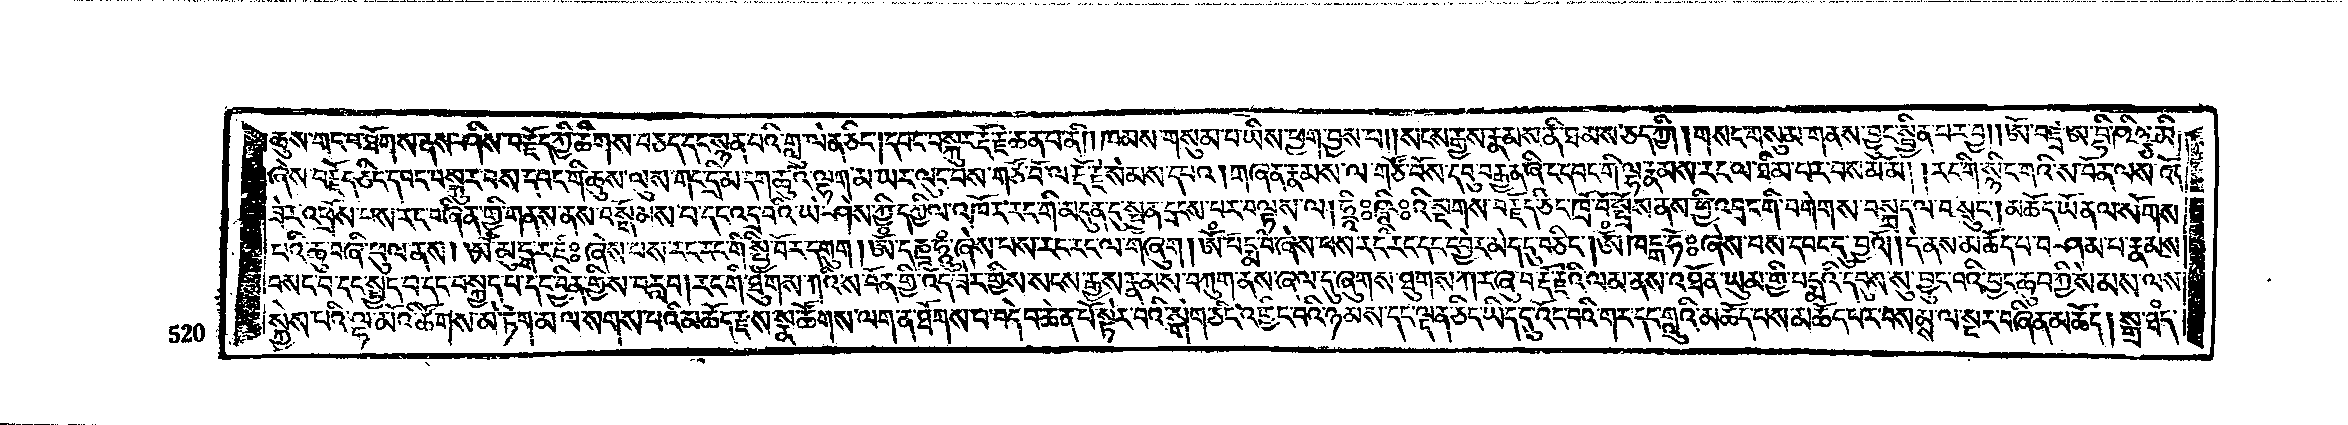ཆུས་གང་བ་ཐོགས་ནས་ཤིས་བརྗོད་ཀྱི་ཚིགས་བཅད་དང་སྙན་པའི་གླུ་ལེན་ཅིང་། དབང་བསྐུར་རྡོ་རྗེ་ཆེན་པོ་ནི། །ཁམས་གསུམ་པ་ཡིས་ཕྱག་བྱས་པ། །སངས་རྒྱས་རྣམས་ནི་ཐམས་ཅད་ཀྱི། །གསང་གསུམ་གནས་བྱུང་སྦྱིན་པར་བྱ། །ཨོཾ་བཛྲ་ཨ་བྷི་ཥིཉྩ་མི། །
ཞེས་བརྗོད་ཅིང་དབང་བསྐུར་བས་དབང་གི་ཆུས་ལུས་གང་དྲི་མ་དག་ཆུའི་ལྷག་མ་ཡར་ལུང་པས་གཙོ་བོ་ལ་རྡོ་རྗེ་སེམས་དཔའ། གཞན་རྣམས་ལ་གཙོ་བོས་དབུ་བརྒྱན་ཞིང་དབང་གི་ལྷ་རྣམས་རང་ལ་ཐིམ་པར་བསམ་མོ། །རང་གི་སྙིང་གའི་ས་བོན་ལས་འོད་
ཟེར་འཕྲོས་པས་རང་བཞིན་གྱི་གནས་ནས་བསྒོམས་པ་དང་འདྲ་བའི་ཡེ་ཤེས་ཀྱི་དཀྱིལ་འཁོར་རང་གི་མདུན་དུ་སྤྱན་དྲངས་པར་བལྟས་ལ། ཧྲཱིཿ ཥྚྲཱིཿ སྔགས་བརྗོད་ཅིང་ཁྲོ་བོ་སྤྲོས་ནས་ཕྱི་འབྲང་གི་བགེགས་བསྐྲད་ལ་བསྲུང་། མཆོད་ཡོན་ལ་སོགས་
པའི་ཆུ་བཞི་ཕུལ་ནས། ཨོཾ་མུངྒ་ར་ཛཿ ཞེས་པས་རང་རང་གི་སྤྱི་བོར་དགུག །ཨོཾ་དཎྜ་ཧཱུཾ་ཞེས་པས་རང་རང་ལ་གཞུག །ཨོཾ་པདམ་བཾ་ཞེས་པས་རང་རང་དང་དབྱེར་མེད་དུ་བཅིང་། ཨོཾ་ཁངྒ་ཧོཿ ཞེས་པས་དབང་དུ་བྱའོ། །དེ་ནས་མཆོད་པ་བཤམ་པ་རྣམས་
བསང་བ་དང་སྦྱང་བ་དང་བསྐྱེད་པ་དང་བྱིན་གྱིས་བརླབ། རང་གི་ཐུགས་ཀའི་ས་བོན་གྱི་འོད་ཟེར་གྱིས་སངས་རྒྱས་རྣམས་བཀུག་ནས་ཞལ་དུ་ཞུགས་ཐུགས་ཀར་ཞུ་བ་རྡོ་རྗེའི་ལམ་ནས་འཐོན་ཡུམ་གྱི་པདམའི་དབུས་སུ་བྱུང་བའི་བྱང་ཆུབ་ཀྱི་སེམས་ལས་
སྐྱེས་པའི་ལྷ་མོའི་ཚོགས་མེ་ཏོག་མ་ལ་སོགས་པའི་མཆོད་རྫས་སྣ་ཚོགས་ལག་ན་ཐོགས་པ་བདེ་བ་ཆེན་པོ་སྟེང་བའི་སྒེག་ཅིང་འགྱིང་བའི་ཉམས་དང་ལྡན་ཅིང་ཡིད་དུ་འོང་བའི་གར་དང་གླུའི་མཆོད་པས་མཆོད་པར་བསམས་ལ་སྔར་བཞིན་མཆོད། སྒྲ་ཐམས་ཅད་